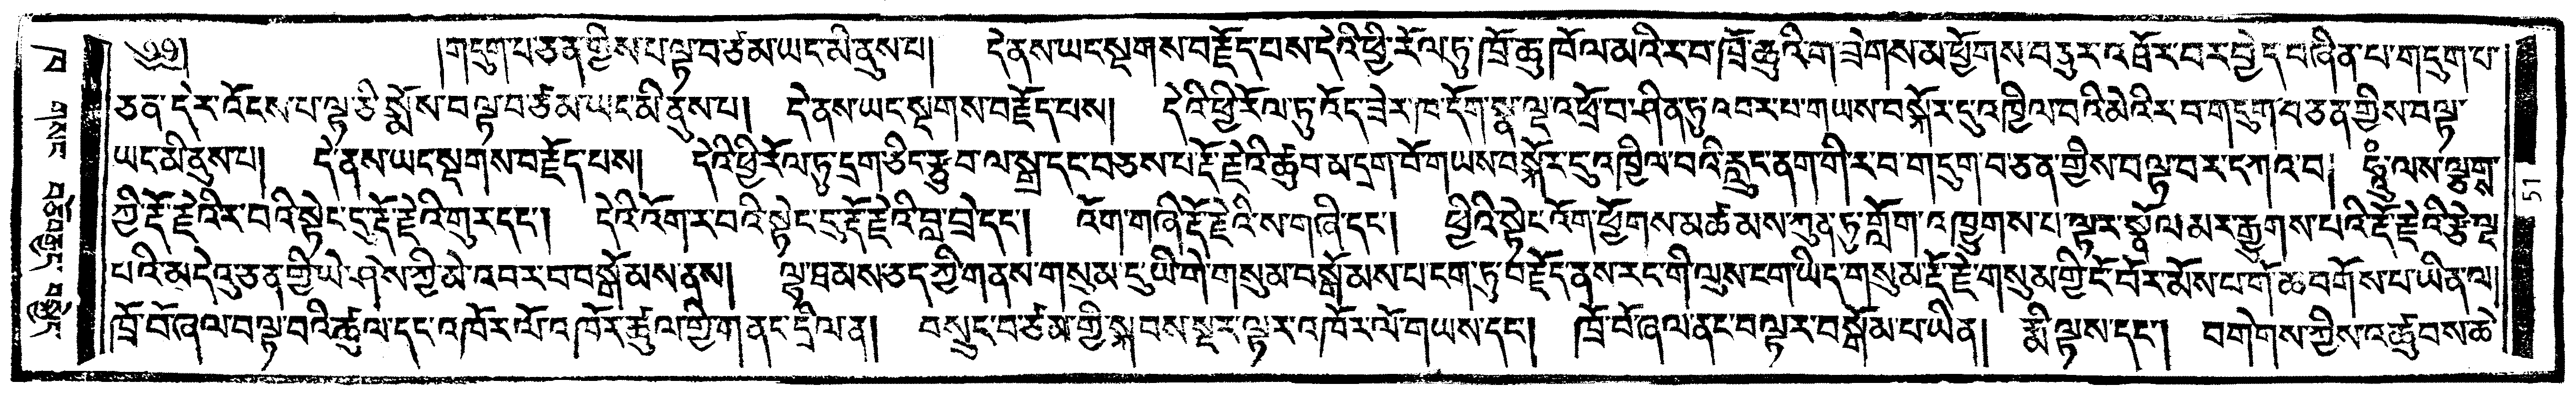༄༅། །གདུག་པ་ཅན་གྱིས་པ་ལྟ་བ་ཙམ་ཡང་མི་ནུས་པ། དེ་ནས་ཡང་སྔགས་བརྗོད་པས་དེའི་ཕྱི་རོལ་ཏུ་ཁྲོ་ཆུ་ཁོལ་མའི་ར་བ་ཁྲོ་ཆུའི་གཟེགས་མ་ཕྱོགས་བཅུར་འཐོར་བར་བྱེད་བཞིན་པ་གདུག་པ་
ཅན་དེར་འོངས་པ་ལྟ་ཅི་སྨོས་བལྟ་བ་ཙམ་ཡང་མི་ནུས་པ། དེ་ནས་ཡང་སྔགས་བརྗོད་པས། དེའི་ཕྱི་རོལ་ཏུ་འོད་ཟེར་ཁ་དོག་སྣ་ལྔ་འཕྲོ་བ་ཤིན་ཏུ་འབར་པ་གཡས་བསྐོར་དུ་འཁྱིལ་བའི་མེའི་ར་བ་གདུག་པ་ཅན་གྱིས་བལྟ་
ཡང་མི་ནུས་པ། དེ་ནས་ཡང་སྔགས་བརྗོད་པས། དེའི་ཕྱི་རོལ་ཏུ་དྲག་ཅིང་རྩུབ་ལ་སྒྲ་དང་བཅས་པ་རྡོ་རྗེའི་ཚུབ་མ་དྲག་པོ་གཡས་བསྐོར་དུ་འཁྱིལ་བའི་རླུང་ནག་གི་ར་བ་གདུག་བ་ཅན་གྱིས་བལྟ་བར་དཀའ་བ། ཧཱུཾ་ལས་ལྕགས་
ཀྱི་རྡོ་རྗེའི་ར་བའི་སྟེང་དུ་རྡོ་རྗེའི་གུར་དང་། དེའི་འོག་ར་བའི་སྟེང་དུ་རྡོ་རྗེའི་བླ་བྲེ་དང་། འོག་གཞི་རྡོ་རྗེའི་ས་གཞི་དང་། ཕྱིའི་སྟེང་འོག་ཕྱོགས་མཚམས་ཀུན་ཏུ་གློག་འཁྱུགས་པ་ལྟར་སྣོལ་མར་རྒྱུགས་པའི་རྡོ་རྗེའི་རྩེ་ལྔ་
པའི་མདེའུ་ཅན་གྱི་ཡེ་ཤེས་ཀྱི་མེ་འབར་བ་བསྒོམས་ནས། ལྷ་ཐམས་ཅད་ཀྱི་གནས་གསུམ་དུ་ཡི་གེ་གསུམ་བསྒོམས་པ་དག་ཏུ་བརྗོད་ནས་རང་གི་ལུས་ངག་ཡིད་གསུམ་རྡོ་རྗེ་གསུམ་གྱི་ངོ་བོར་མོས་པ་གོ་ཆ་བགོས་པ་ཡིན་ལ།
ཁྲོ་བོ་ཞལ་བལྟ་བའི་ཚུལ་དང་འཁོར་ལོ་འཁོར་ཚུལ་གྱི་གནང་དྲིལ་ན། བསྲུང་བ་ཙམ་གྱི་སྐབས་སྔར་ལྟར་འཁོར་ལོ་གཡས་དང་། ཁྲོ་བོ་ཞལ་ནང་བལྟར་བསྒོམ་པ་ཡིན། རྨི་ལྟས་དང་། བགེགས་ཀྱིས་འཚུབས་ཆེ་